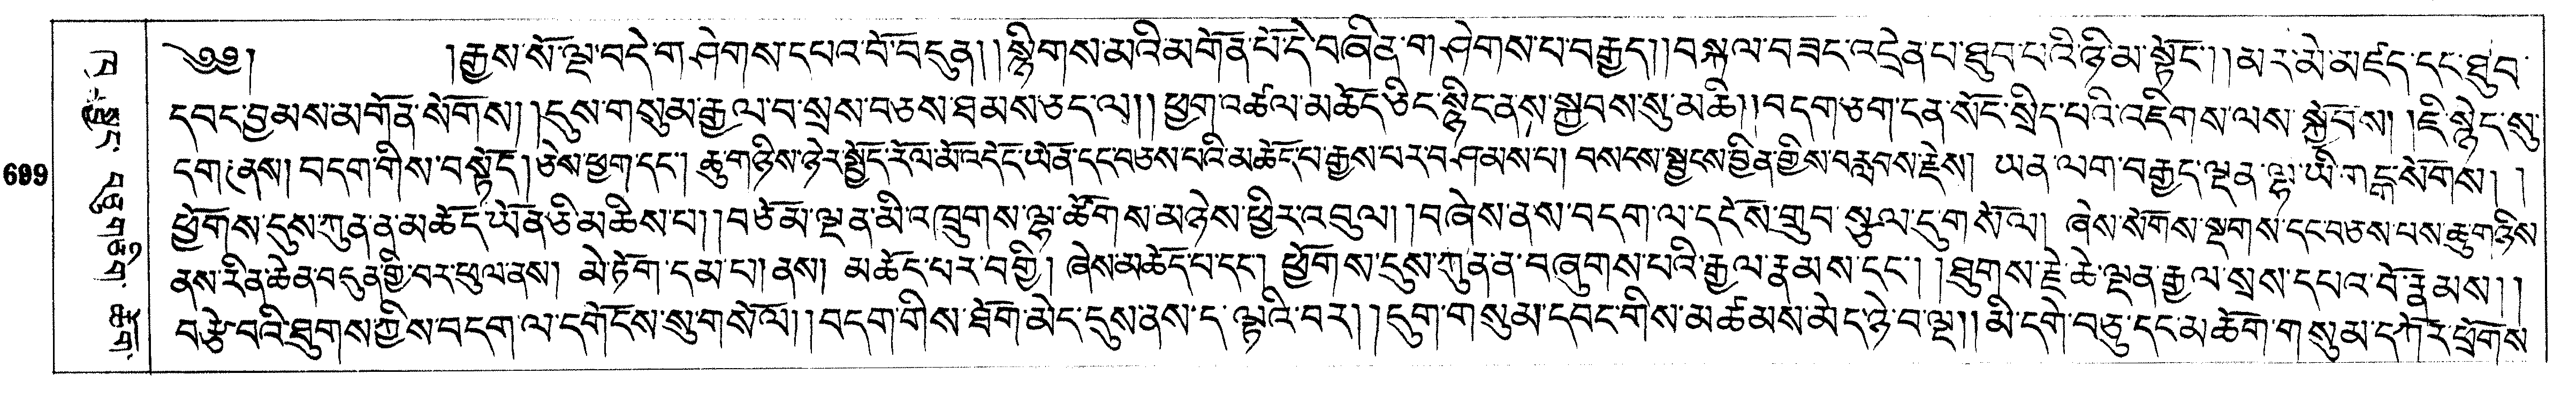༄༅། །རྒྱས་སོ་ལྔ་བདེ་གཤེགས་དཔའ་བོ་བདུན། །སྙིགས་མའི་མགོན་པོ་དེ་བཞིན་གཤེགས་པ་བརྒྱད། །བསྐལ་བཟང་འདྲེན་པ་ཐུབ་པའི་ཉི་མ་སྟོང་། །མར་མེ་མཛད་དང་ཐུབ་
དབང་བྱམས་མགོན་སོགས། །དུས་གསུམ་རྒྱལ་བ་སྲས་བཅས་ཐམས་ཅད་ལ། །ཕྱག་འཚལ་མཆོད་ཅིང་སྙིང་ནས་སྐྱབས་སུ་མཆི། །བདག་ཅག་ངན་སོང་སྲིད་པའི་འཇིགས་ལས་སྐྱོབས། །ཇི་སྙེད་སུ་
དག༑ ནས། བདག་གིས་བསྟོད། ཅེས་ཕྱག་དང་། ཆུ་གཉིས་ཉེར་སྤྱོད་རོལ་མོ་འདོད་ཡོན་དང་བཅས་པའི་མཆོད་པ་རྒྱས་པར་བཤམས་པ། བསངས་སྦྱངས་བྱིན་གྱིས་བརླབས་རྗེས། ཡན་ལག་བརྒྱད་ལྡན་ལྷ་ཡི་གངྒ་སོགས། །
ཕྱོགས་དུས་ཀུན་ན་མཆོད་ཡོན་ཅི་མཆིས་པ། །བཅོམ་ལྡན་མི་འཁྲུགས་ལྷ་ཚོགས་མཉེས་ཕྱིར་འབུལ། །བཞེས་ནས་བདག་ལ་དངོས་གྲུབ་སྩལ་དུ་གསོལ། ཞེས་སོགས་སྔགས་དང་བཅས་པས་ཆུ་གཉིས་
ནས་རིན་ཆེན་བདུན་གྱི་བར་ཕུལ་ནས། མེ་ཏོག་དམ་པ། ནས། མཆོད་པར་བགྱི། ཞེས་མཆོད་པ་དང་། ཕྱོགས་དུས་ཀུན་ན་བཞུགས་པའི་རྒྱལ་རྣམས་དང་། །ཐུགས་རྗེ་ཆེ་ལྡན་རྒྱལ་སྲས་དཔའ་བོ་རྣམས། །
བརྩེ་བའི་ཐུགས་ཀྱིས་བདག་ལ་དགོངས་སུ་གསོལ། །བདག་གིས་ཐོག་མེད་དུས་ནས་ད་ལྟའི་བར། །དུག་གསུམ་དབང་གིས་མཚམས་མེད་ཉེ་བ་ལྔ། །མི་དགེ་བཅུ་དང་མཆོག་གསུམ་དཀོར་ཕྲོགས་